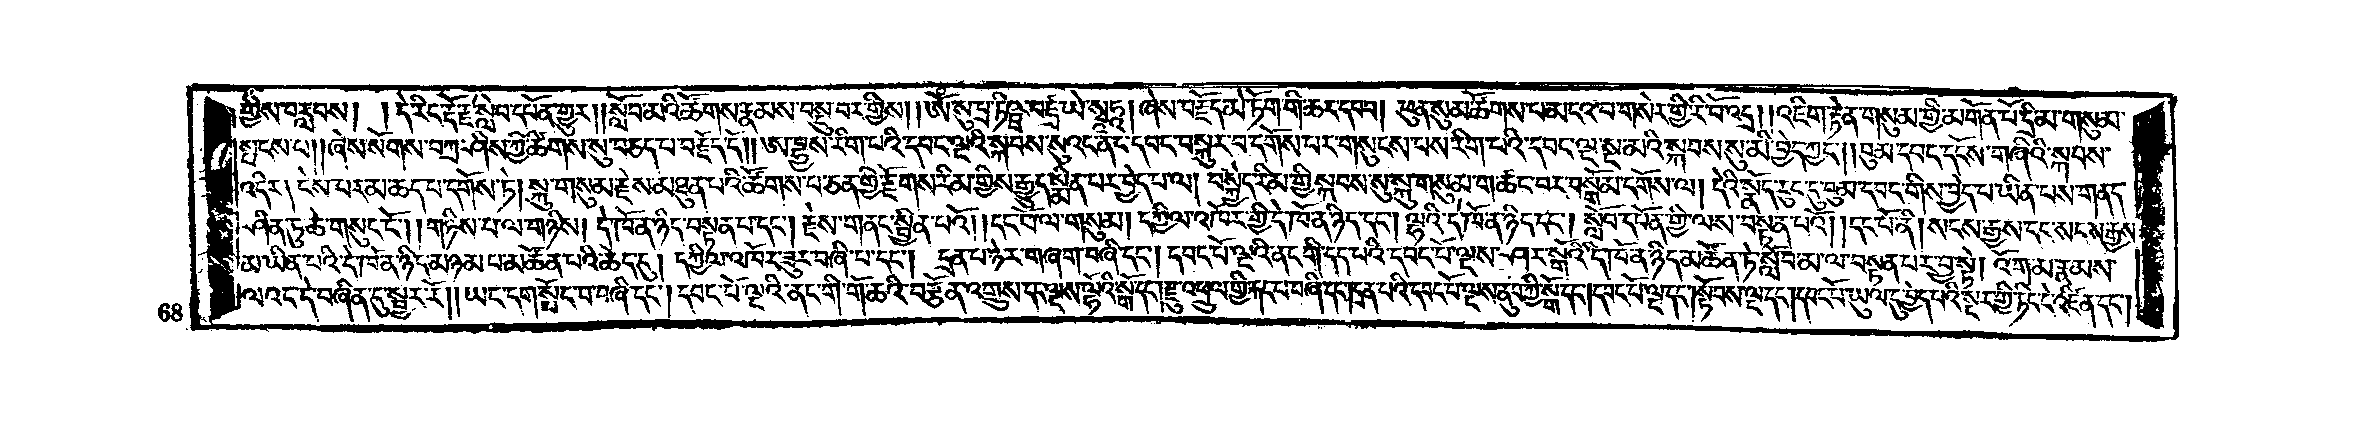གྱིས་བརླབས། །དེ་རིང་རྡོ་རྗེ་སློབ་དཔོན་གྱུར། །སློབ་མའི་ཚོགས་རྣམས་བསྡུ་བར་གྱིས། །ཨོཾ་སུ་པྲ་ཏི་ཥཊཿཨ་བྫྲ་ཡེ་སྭཱ་ཧཱ། ཞེས་བརྗོད་མེ་ཏོག་གི་ཆར་དབབ། ཕུན་སུམ་ཚོགས་པ་མངའ་བ་གསེར་གྱི་རི་བོ་འདྲ། །འཇིག་རྟེན་གསུམ་གྱི་མགོན་པོ་དྲི་མ་གསུམ་
སྤངས་པ། །ཞེས་སོགས་བཀྲ་ཤིས་ཀྱི་ཚིགས་སུ་བཅད་པ་བརྗོད་དོ། །ཨ་བྷྱས་རིག་པའི་དབང་ལྔའི་སྐབས་སུའང་ནང་དབང་བསྐུར་བ་དགོས་པར་གསུངས་པས་རིག་པའི་དབང་ལྔ་སྔ་མའི་སྐབས་སུ་མི་བྱེད་ཀྱང་། །བུམ་དབང་དངོས་གཞིའི་སྐབས་
འདིར། ངེས་པར་མ་ཆད་པ་དགོས་ཏེ། སྐུ་གསུམ་རྗེས་མཐུན་པའི་ཚོགས་པ་ཅན་གྱི་རྫོགས་རིམ་གྱིས་རྒྱུད་སྨིན་པར་བྱེད་པ་ལ། བསྐྱེད་རིམ་གྱི་སྐབས་སུ་སྐུ་གསུམ་ག་ཚང་བར་བསྒོམ་དགོས་ལ། དེའི་སྣོད་རུང་དུ་བུམ་དབང་གིས་བྱེད་པ་ཡིན་པས་གནད་
ཤིན་ཏུ་ཆེ་གསུང་ངོ། །གཉིས་པ་ལ་གཉིས། དེ་ཁོ་ན་ཉིད་བསྟན་པ་དང་། རྗེས་གནང་སྦྱིན་པའོ། །དང་པོ་ལ་གསུམ། དཀྱིལ་འཁོར་གྱི་དེ་ཁོ་ན་ཉིད་དང་། ལྷའི་དེ་ཁོ་ན་ཉིད་དང་། སློབ་དཔོན་གྱི་ལས་བསྟན་པའོ། །དང་པོ་ནི། སངས་རྒྱས་དང་སངས་རྒྱས་
མ་ཡིན་པའི་དེ་ཁོ་ན་ཉིད་མཉམ་པ་མཚོན་པའི་ཆེད་དུ། དཀྱིལ་འཁོར་ཟུར་བཞི་པ་དང་།དྲན་པ་ཉེར་གཞག་བཞི་དང་། དབང་པོ་ལྔའི་ནང་གི་དད་པའི་དབང་པོ་ལྔས་ཤར་སྒོའི་དེ་ཁོ་ན་ཉིད་མཚོན་ཏེ་སློབ་མ་ལ་བསྟན་པར་བྱ་སྟེ། འོག་མ་རྣམས་
ལའང་དེ་བཞིན་དུ་སྦྱར་རོ། །ཡང་དག་སྤོང་བ་བཞི་དང་། དབང་པོ་ལྔའི་ནང་གི་གོ་ཆའི་བརྩོན་འགྲུས་དང་ལྡན་ལྷོའི་སྒོ་དང་། རྫུ་འཕྲུལ་གྱི་རྐང་པ་བཞི་དང་། དྲན་པའི་དབང་པོ་ལྔས་ནུབ་ཀྱི་སྒོ་དང་། དབང་པོ་ལྔ་དང་། སྟོབས་ལྔ་དང་། དབང་པོ་ཡུལ་དུ་བྱེད་པའི་སྔར་གྱི་ཏིང་ངེ་འཛིན་དང་།